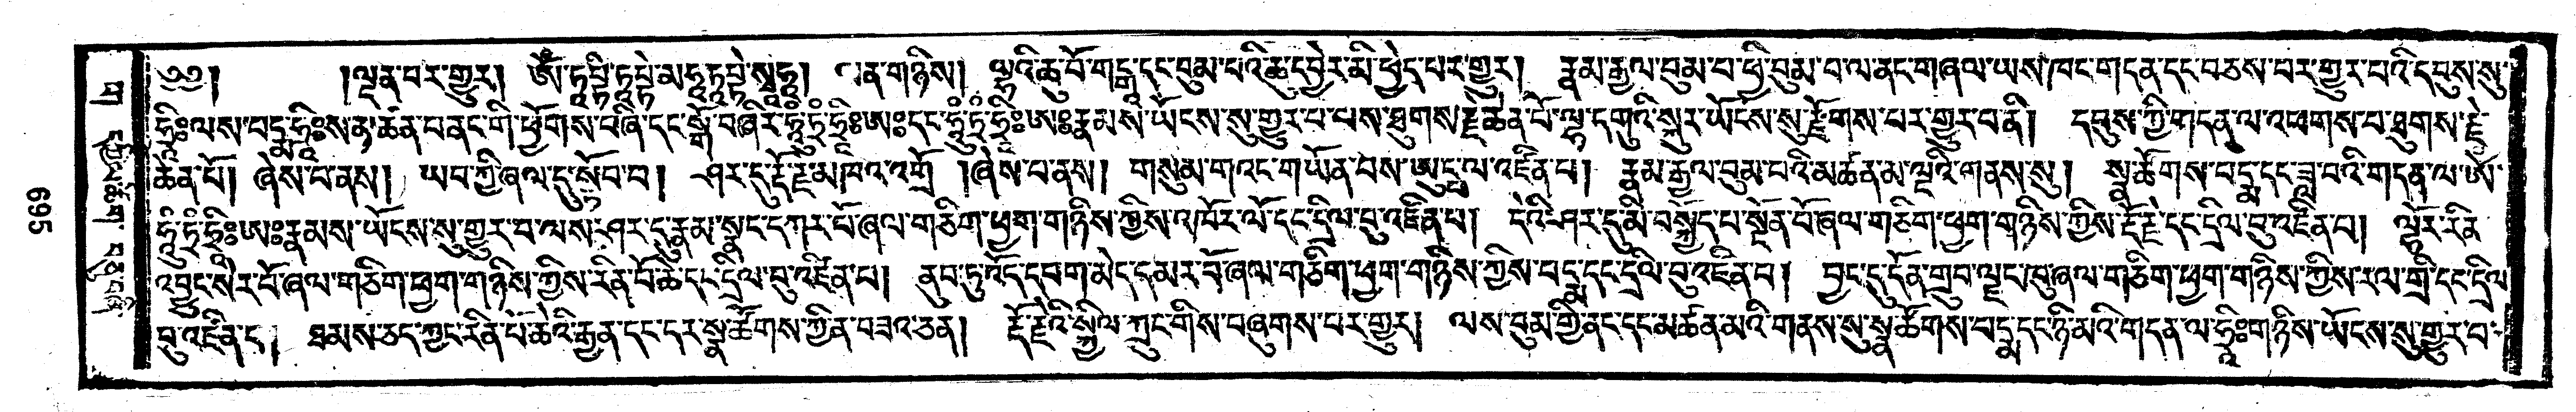༄༅། །ལྡན་པར་གྱུར། ཨོཾ་ཏཱ་པྟི་ཏཱཔྟེ་མཧཱ་ཏཱཔྟེ་སྭཱཧཱ། ལན་གཉིས། ལྷའི་ཆུ་བོ་གངྒའ་དང་བུམ་པའི་ཆུ་དབྱེར་མི་ཕྱེད་པར་གྱུར། རྣམ་རྒྱལ་བུམ་པ་ཕྱི་བུམ་པ་ལ་ནང་གཞལ་ཡས་ཁང་གདན་དང་བཅས་པར་གྱུར་པའི་དབུས་སུ་
ཧྲཱིཿ ལས་པདམ་ཧྲཱིཿ ས་མཚན་བྣང་གི་ཕྱོགས་བཞི་དང་སྒོ་བཞིར་ཧཱུཾ་ཏྲཾ་ཧྲཱིཿཨཿ དང་ཧཱུཾ་ཏྲཾ་ཧྲཱིཿ ཨཿ རྣམས་ཡོངས་སུ་གྱུར་པ་པས་ཐུགས་རྗེ་ཆེན་པོ་ལྷ་དགུའི་སྐུར་ཡོངས་སུ་རྫོགས་པར་གྱུར་པ་ནི། དབུས་ཀྱི་གདན་ལ་འཕགས་པ་ཐུགས་རྗེ་
ཆེན་པོ། ཞེས་པ་ནས། ཡབ་ཀྱི་ཞལ་དུ་སྟོབ་པ། ཤར་དུ་རྡོ་རྗེ་མཁའ་འགྲོ་།ཞེས་པ་ནས། གསུམ་གའང་གཡོན་པས་ཨུདཔལ་འཛིན་པ། རྣམ་རྒྱལ་བུམ་པའི་མཚན་མ་ལྔའི་གནས་སུ། སྣ་ཚོགས་པདམ་དང་ཟླ་བའི་གདན་ལ་ཨོཾ་
ཧཱུཾ་ཏྲཾ་ཧྲཱིཿཨཿ རྣམས་ཡོངས་སུ་གྱུར་བ་ལས་ཤར་དུ་རྣམ་སྣང་དཀར་པོ་ཞལ་གཅིག་ཕྱག་གཉིས་ཀྱིས་འཁོར་ལོ་དང་དྲིལ་བུ་འཛིན་པ། དེའི་ཤར་དུ་མི་བསྐྱོད་པ་སྔོན་པོ་ཞལ་གཅིག་ཕྱག་གཉིས་ཀྱིས་རྡོ་རྗེ་དང་དྲིལ་བུ་འཛིན་པ། ལྷོར་རིན་
འབྱུང་སེར་པོ་ཞལ་གཅིག་ཕྱག་གཉིས་ཀྱིས་རིན་པོ་ཆེ་དང་དྲིལ་བུ་འཛིན་པ། ནུབ་ཏུ་འོད་དཔག་མེད་དམར་པོ་ཞལ་གཅིག་ཕྱག་གཉིས་ཀྱིས་པདམ་དང་དྲིལ་བུ་འཛིན་པ། བྱང་དུ་དོན་གྲུབ་ལྗང་ཁུ་ཞལ་གཅིག་ཕྱག་གཉིས་ཀྱིས་རལ་གྲི་དང་དྲིལ་
བུ་འཛིན་པ། ཐམས་ཅད་ཀྱང་རིན་པོ་ཆེའི་རྒྱན་དང་དར་སྣ་ཚོགས་ཀྱིན་བཟའ་ཅན། རྡོ་རྗེའི་སྐྱིལ་ཀྲུང་གིས་བཞུགས་པར་གྱུར། ལས་བུམ་གྱི་ནང་དང་མཚན་མའི་གནས་སུ་སྣ་ཚོགས་པདམ་དང་ཉི་མའི་གདན་ལ་ཧྲཱིཿ གཉིས་ཡོངས་སུ་གྱུར་པ་